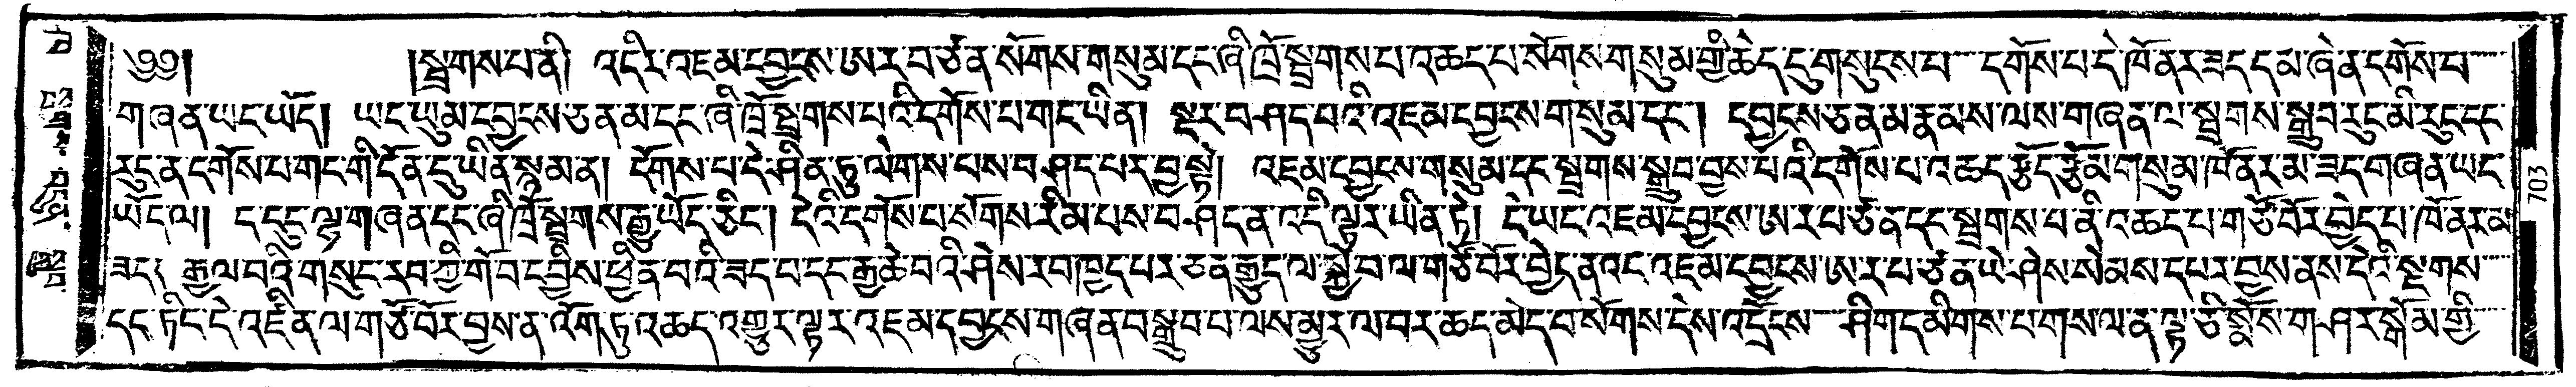༄༅། །སྦྲགས་པ་ནི། འདིར་འཇམ་དབྱངས་ཨ་ར་པ་ཙ་ན་སོགས་གསུམ་དང་ཞི་ཁྲོ་སྦྲགས་པ་འཆད་པ་སོགས་གསུམ་གྱི་ཆེད་དུ་གསུངས་པ་དགོས་པ་དེ་ཁོ་ནར་ཟད་དམ་ཞེ་ན་དགོས་པ་
གཞན་ཡང་ཡོད། ཡང་ཡུམ་དབྱངས་ཅན་མ་དང་ཞི་ཁྲོ་སྦྲགས་པའི་དགོས་པ་གང་ཡིན། སྔར་བཤད་པའི་འཇམ་དབྱངས་གསུམ་དང་། དབྱངས་ཅན་མ་རྣམས་ལས་གཞན་ལ་སྦྲགས་སྒྲུབ་རུང་མི་རུང་དང་
རུང་ན་དགོས་པ་གང་གི་དོན་དུ་ཡིན་སྙམ་ན། དོགས་པ་དེ་ཤིན་ཏུ་ལེགས་པས་བཤད་པར་བྱ་སྟེ། འཇམ་དབྱངས་གསུམ་དང་སྦྲགས་སྒྲུབ་བྱས་པའི་དགོས་པ་འཆད་རྩོད་རྩོམ་གསུམ་ཁོ་ནར་མ་ཟད་གཞན་ཡང་
ཡོད་ལ། ད་དུང་ལྷ་གཞན་དང་ཞི་ཁྲོ་སྦྲགས་རྒྱུ་ཡོད་ཅིང་། དེའི་དགོས་པ་སོགས་རིམ་པས་བཤད་ན་འདི་ལྟར་ཡིན་ཏེ། དེ་ཡང་འཇམ་དབྱངས་ཨ་ར་པ་ཙ་ན་དང་སྦྲགས་པ་ནི་འཆད་པ་གཙོ་བོར་བྱེད་པ་ཁོ་ནར་མ་
ཟད༑ རྒྱལ་བའི་གསུང་རབ་ཀྱི་གོ་བ་དབྱིས་ཕྱིན་བའི་ཟད་པ་དང་རྒྱ་ཆེ་བའི་ཤེས་རབ་ཁྱད་པར་ཅན་རྒྱུད་ལ་སྐྱེ་བ་ལ་གཙོ་བོར་བྱེད་ནའང་འཇམ་དབྱངས་ཨ་ར་པ་ཙ་ན་ཡེ་ཤེས་སེམས་དཔར་བྱས་ནས་དེའི་སྔགས་
དང་ཏིང་ངེ་འཛིན་ལ་གཙོ་བོར་བྱས་ན་འོག་ཏུ་འཆད་འགྱུར་ལྟར་འཇམ་དབྱངས་གཞན་བསྒྲུབ་པ་ལས་མྱུར་ལ་བར་ཆད་མེད་པ་སོགས་དེས་འདྲོངས་ཤིག་དམིགས་པ་གསལ་ན་ལྟ་ཅི་སྨོས་གཤར་སྒོམ་གྱི་